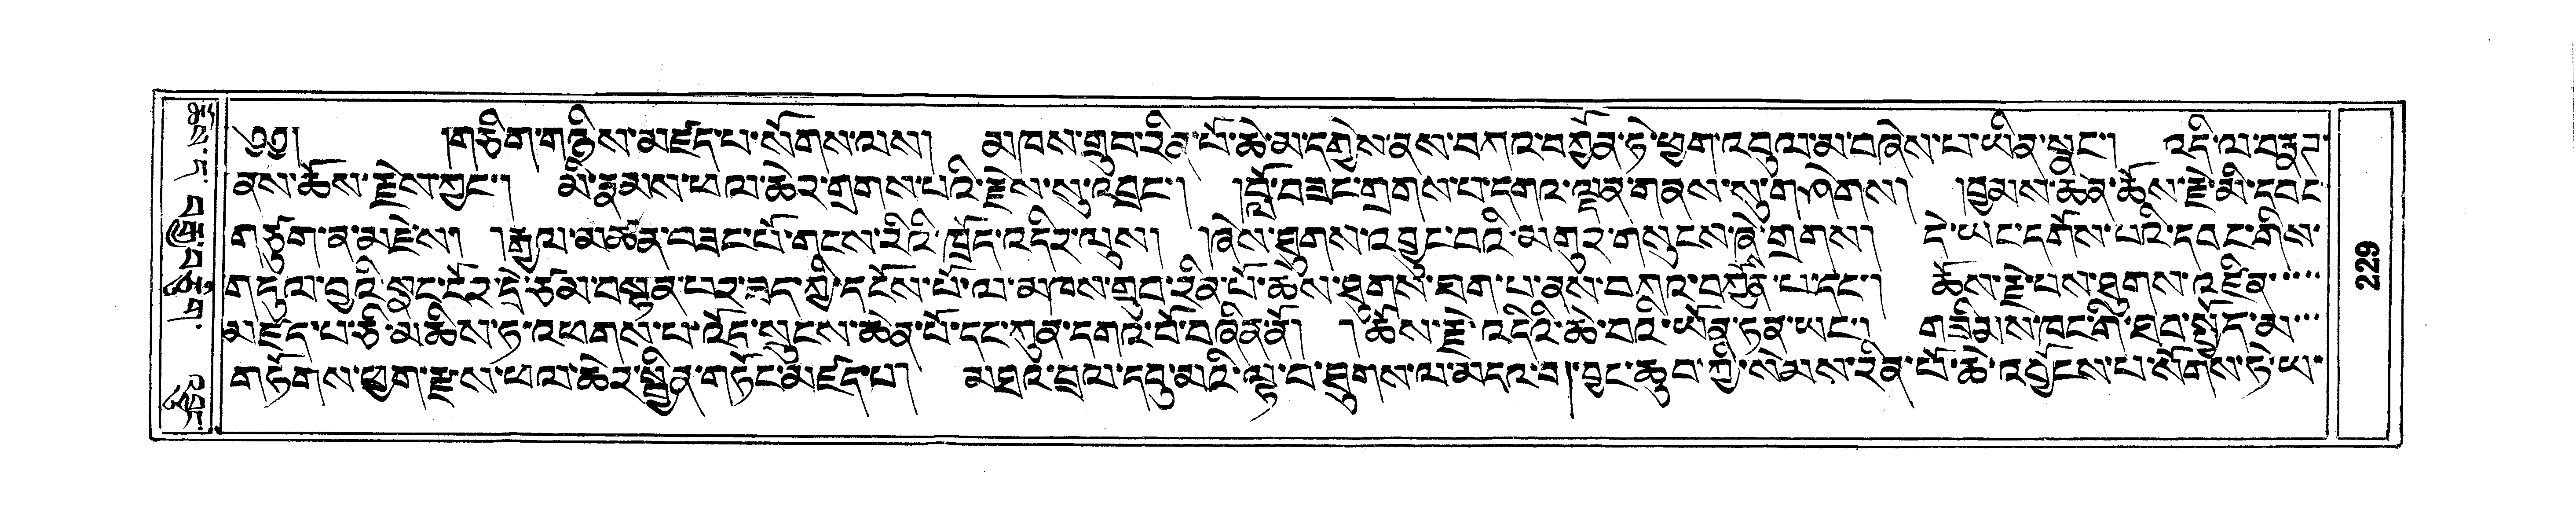༄༅། །གཅིག་གཉིས་མཛད་པ་སོགས་ལས། མཁས་གྲུབ་རིན་པོ་ཆེ་མ་དགྱེས་ནས་བཀའ་བཀྱོན་ཧེ་ཕྱག་འབུལ་མ་བཞེས་པ་ཡིན་སྣང་། འདི་ལ་བརྣཊ་
ནས་ཆོས་རྗེས་ཀྱང་། མི་རྣམས་ཕལ་ཆེར་གྲགས་པའི་རྗེས་སུ་འབྲང་། །བློ་བཟང་གྲགས་པ་དགའ་ལྡན་གནས་སུ་གཤེགས། །བྱམས་ཆན་ཆོས་རྗེ་མི་དབང་
གཙུག་ན་མཛེས། །རྒྱལ་མཚན་བཟང་པོ་གངས་རིའི་ཁྲོད་འདིར་ལུས། །ཞེས་ཐུགས་འབྱུང་བའི་མགུར་གསུངས་ཞེས་གྲགས། དེ་ཡང་དགོས་པའི་དབང་གིས་
གདུལ་བྱའི་སྣང་ངོར་དྲེ་ཙམ་བསྟན་པར་ཟད་ཀྱི་དངོས་པོ་ལ་མཁས་གྲུབ་རིན་པོ་ཆེས་ཐུགས་ཐག་པ་ནས་བཀའ་བཀྱོན་པ་དང་། ཆོས་རྗེ་པས་ཐུགས་འཛིན་
མཛད་པ་ཅི་མཆིས་ཏ་འཕགས་པ་འོད་སྲུངས་ཆེན་པོ་དང་ཀུན་དགའ་བོ་བཞིན་ནོ། །ཆོས་རྗེ་འདིའི་ཆེ་བའི་ཡོན་ཏན་ཡང་། གཟིམས་ཁང་གི་ཐབས་སྤྱོད་མ་
གཏོགས་ཕྱག་རྫས་ཕལ་ཆེར་སྦྱིན་གཏོང་མཛད་པ། མཐའ་བྲལ་དབུ་མའི་ལྟ་བ་ཐུགས་ལ་མདའ་བ། བྱང་ཆུབ་ཀྱི་སེམས་རིན་པོ་ཆེ་འབྱོངས་པ་སོགས་ཏེ་ཡ་